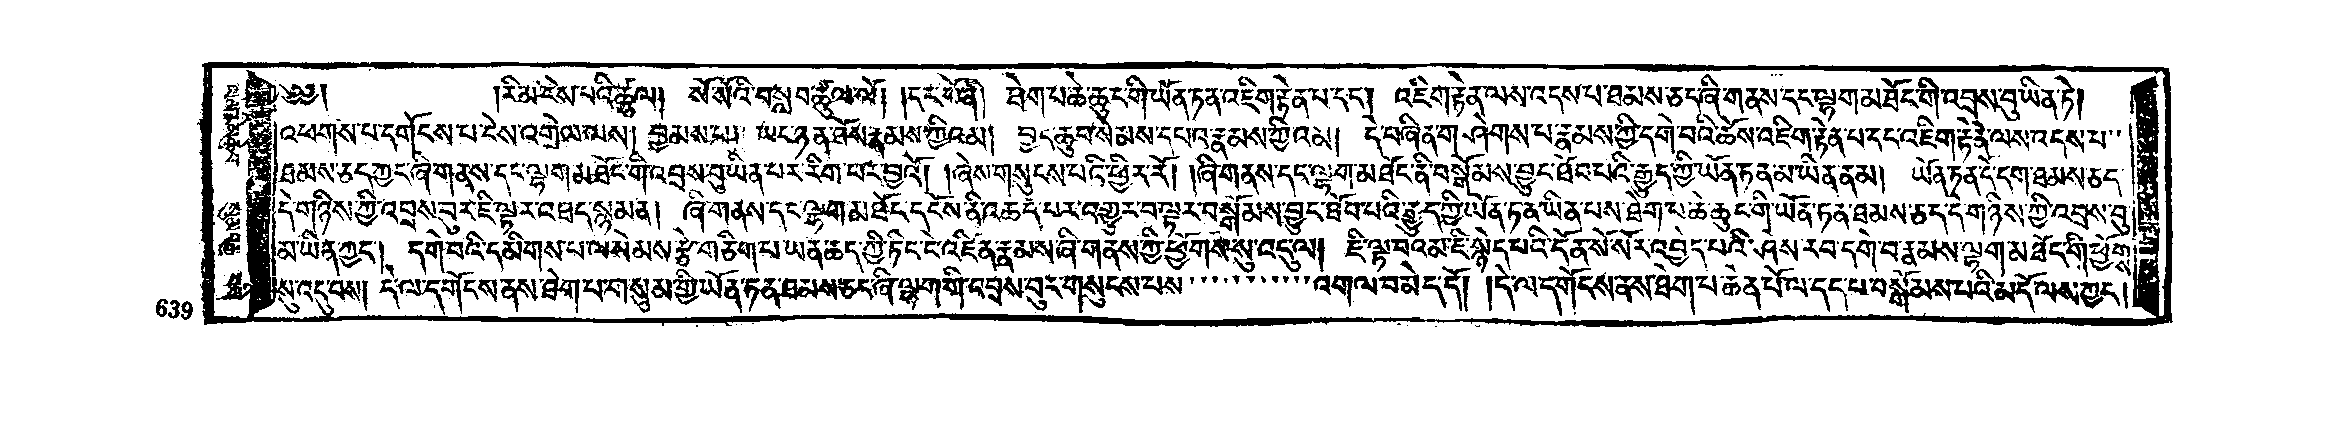༄༅། །རིམ་ངེས་པའི་ཚུལ། སོ་སོའི་བསླབ་ཚུལ་ལོ། །དང་པོ་ནི། ཐེག་པ་ཆེ་ཆུང་གི་ཡོན་ཏན་འཇིག་རྟེན་པ་དང་། འཇིག་རྟེན་ལས་འདས་པ་ཐམས་ཅད་ཞི་གནས་དང་ལྷག་མཐོང་གི་འབྲས་བུ་ཡིན་ཏེ།
འཕགས་པ་དགོངས་པ་ངེས་འགྲེལ་ལས། བྱམས་པ། ཡང་ཉན་ཐོས་རྣམས་ཀྱིའམ། བྱང་ཆུབ་སེམས་དཔའ་རྣམས་ཀྱིའམ། དེ་བཞིན་གཤེགས་པ་རྣམས་ཀྱི་དགེ་བའི་ཆོས་འཇིག་རྟེན་པ་དང་འཇིག་རྟེན་ལས་འདས་པ་
ཐམས་ཅད་ཀྱང་ཞི་གནས་དང་ལྷག་མཐོང་གི་འབྲས་བུ་ཡིན་པར་རིག་པར་བྱའོ། །ཞེས་གསུངས་པའི་ཕྱིར་རོ། །ཞི་གནས་དང་ལྷག་མཐོང་ནི་བསྒོམས་བྱུང་ཐོབ་པའི་རྒྱུད་ཀྱི་ཡོན་ཏན་མ་ཡིན་ནམ། ཡོན་ཏན་དེ་དག་ཐམས་ཅད་
དེ་གཉིས་ཀྱི་འབྲས་བུར་ཇི་ལྟར་འཐད་སྙམ་ན། ཞི་གནས་དང་ལྷག་མཐོང་དངོས་ནི་འཆད་པར་འགྱུར་བ་ལྟར་བསྒོམས་བྱུང་ཐོབ་པའི་རྒྱུད་ཀྱི་ཡོན་ཏན་ཡིན་པས་ཐེག་པ་ཆེ་ཆུང་གི་ཡོན་ཏན་ཐམས་ཅད་དེ་གཉིས་ཀྱི་འབྲས་བུ་
མ་ཡིན་ཀྱང་། དགེ་བའི་དམིགས་པ་ལ་སེམས་རྩེ་གཅིག་པ་ཡན་ཆད་ཀྱི་ཏིང་ངེ་འཛིན་རྣམས་ཞི་གནས་ཀྱི་ཕྱོགས་སུ་འདུ་ལ། ཇི་ལྟ་བའམ་ཇི་སྙེད་པའི་དོན་སོ་སོར་འབྱེད་པའི་ཤེས་རབ་དགེ་བ་རྣམས་ལྷག་མཐོང་གི་ཕྱོགས་
སུ་འདུ་བས། དེ་ལ་དགོངས་ནས་ཐེག་པ་གསུམ་གྱི་ཡོན་ཏན་ཐམས་ཅད་ཞི་ལྷག་གི་འབྲས་བུར་གསུངས་པས་འགལ་བ་མེད་དོ། །དེ་ལ་དགོངས་ནས་ཐེག་པ་ཆེན་པོ་ལ་དད་པ་བསྒོམས་པའི་མདོ་ལས་ཀྱང་།